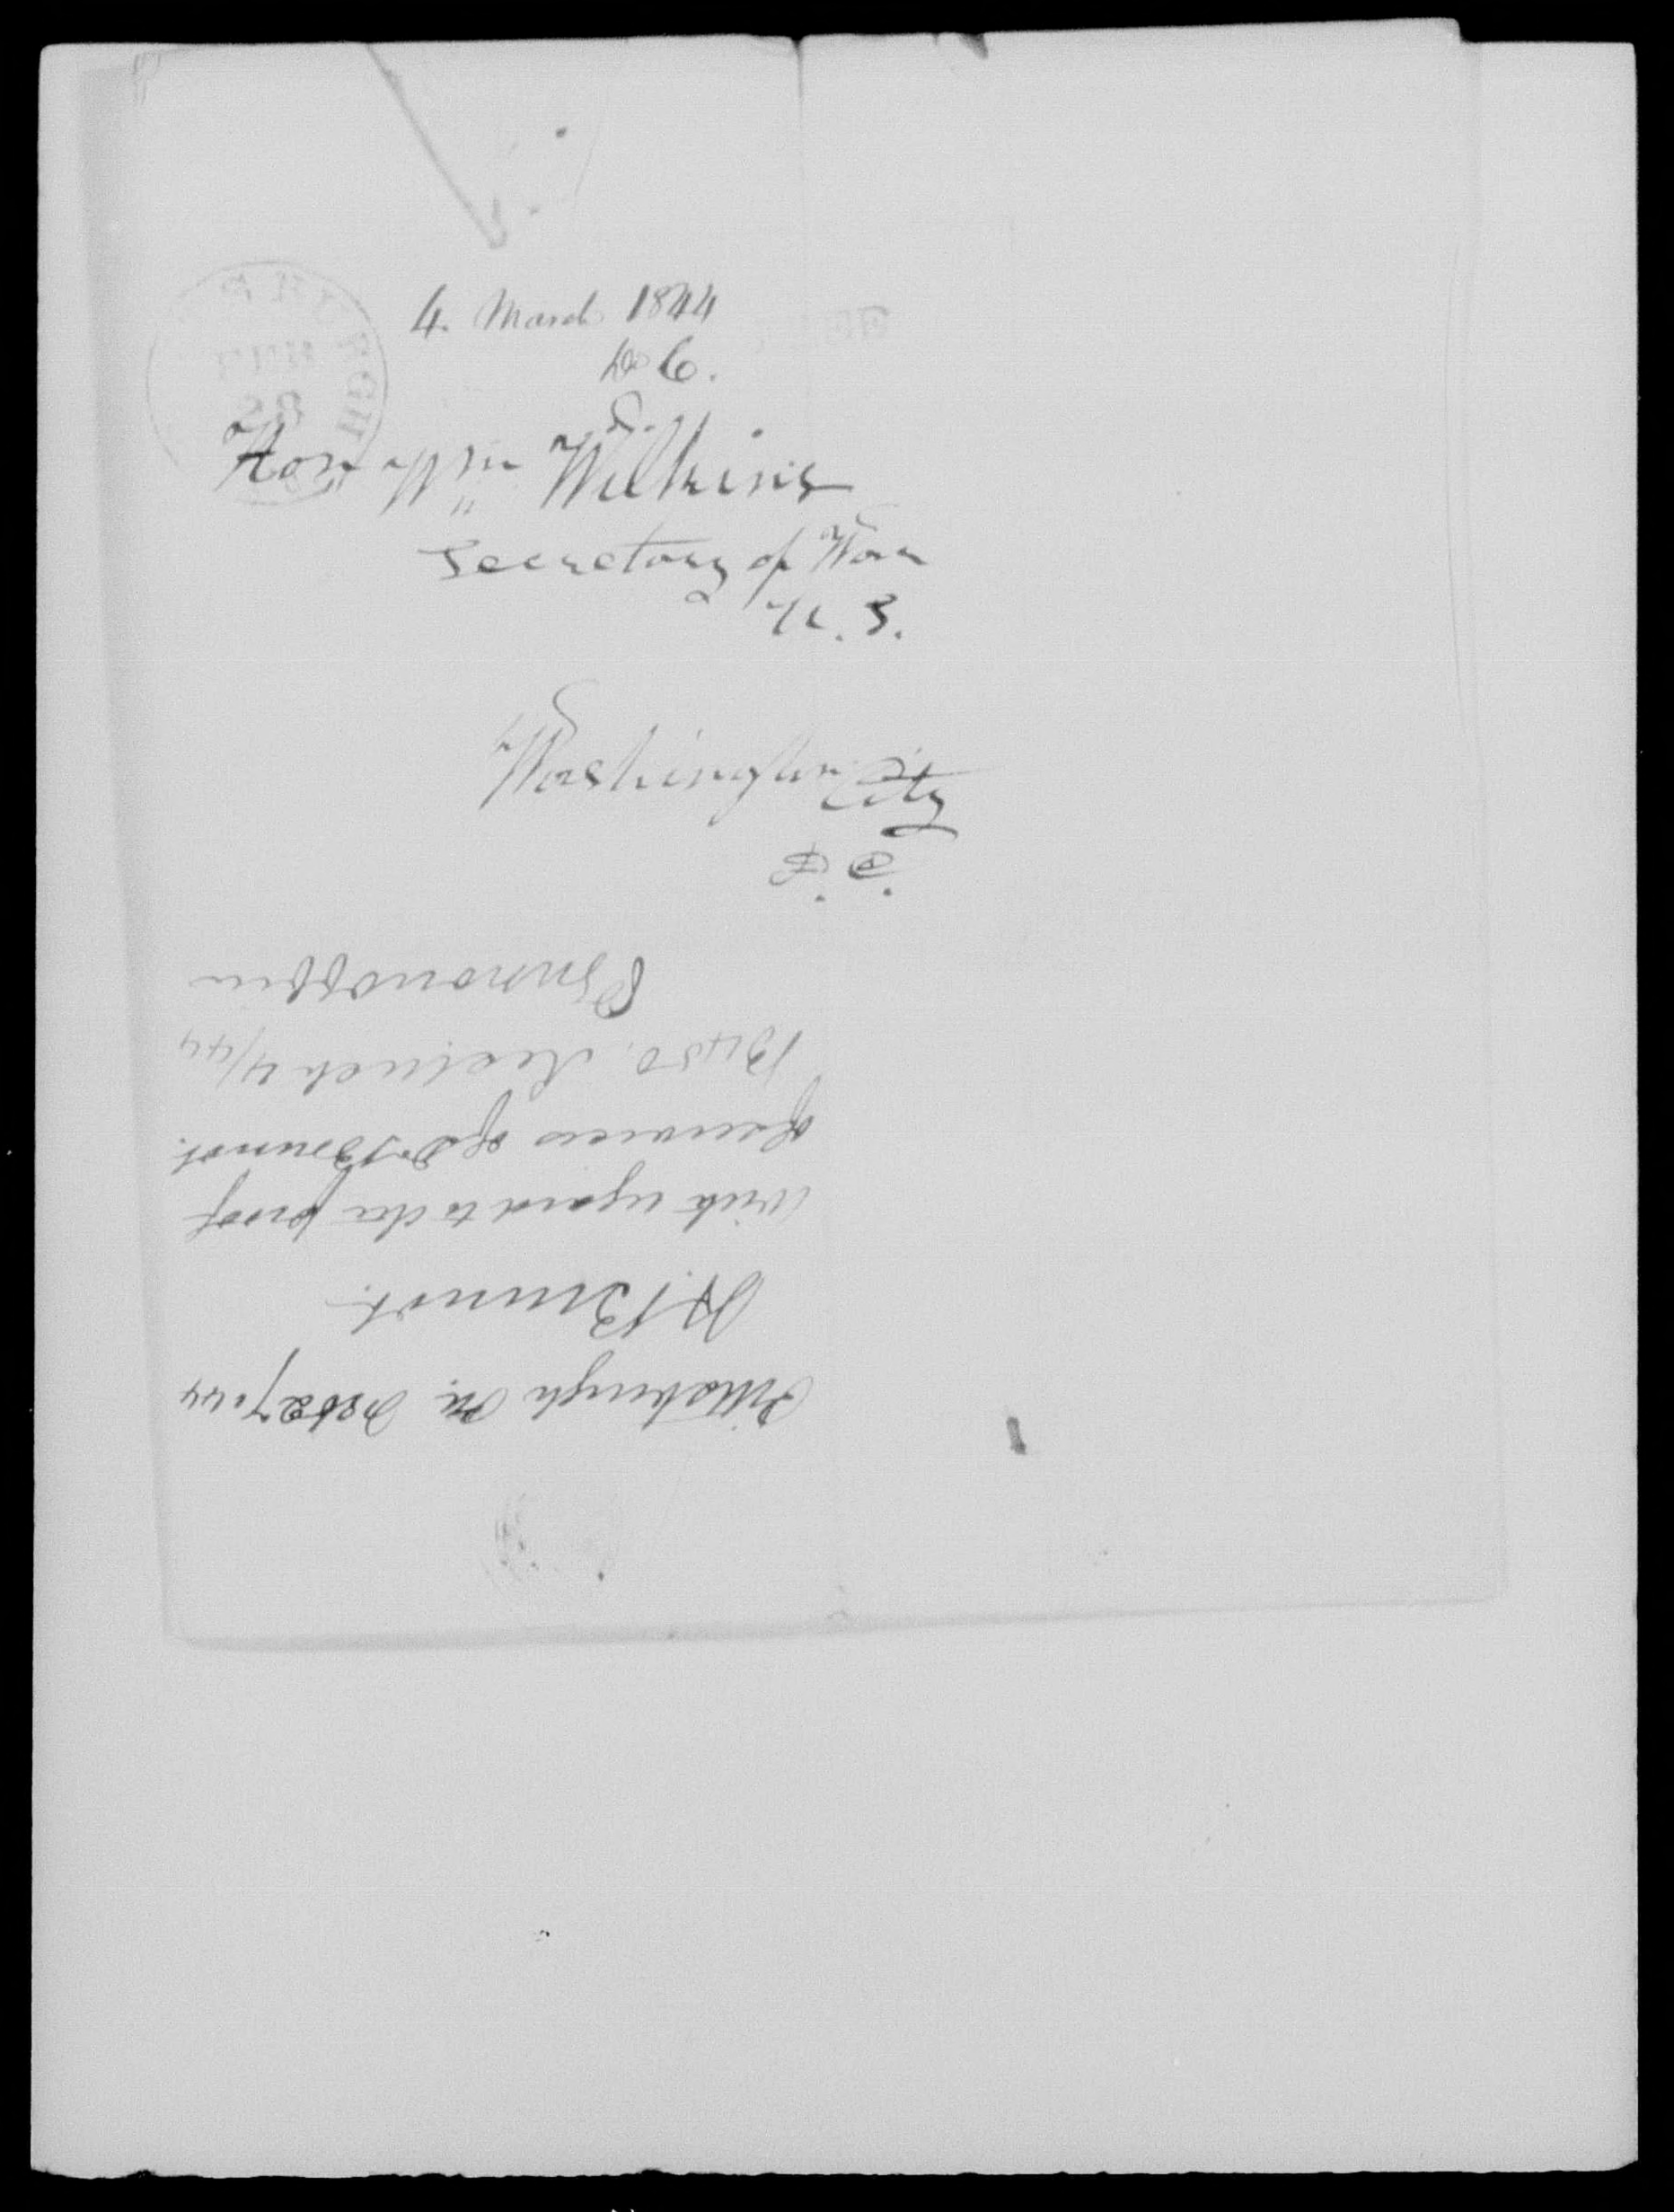4. March 1844
      to 6.
Hon. Wm. Wilkins
Secretary of War U.S.
Washington City   D.C. 

(Upside down on bottom of page:)

Pittsburgh, Pa. Feb 27/44 (1844)
H. Brunot
with regard to the proof of services of Dr. Brunot. 
B- Res - 4/44 (1844)
P - office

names: Wm Wilkins, H Brunot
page: 28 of 34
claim: rejected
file: R. 1371, Felix Brunot, Penn.